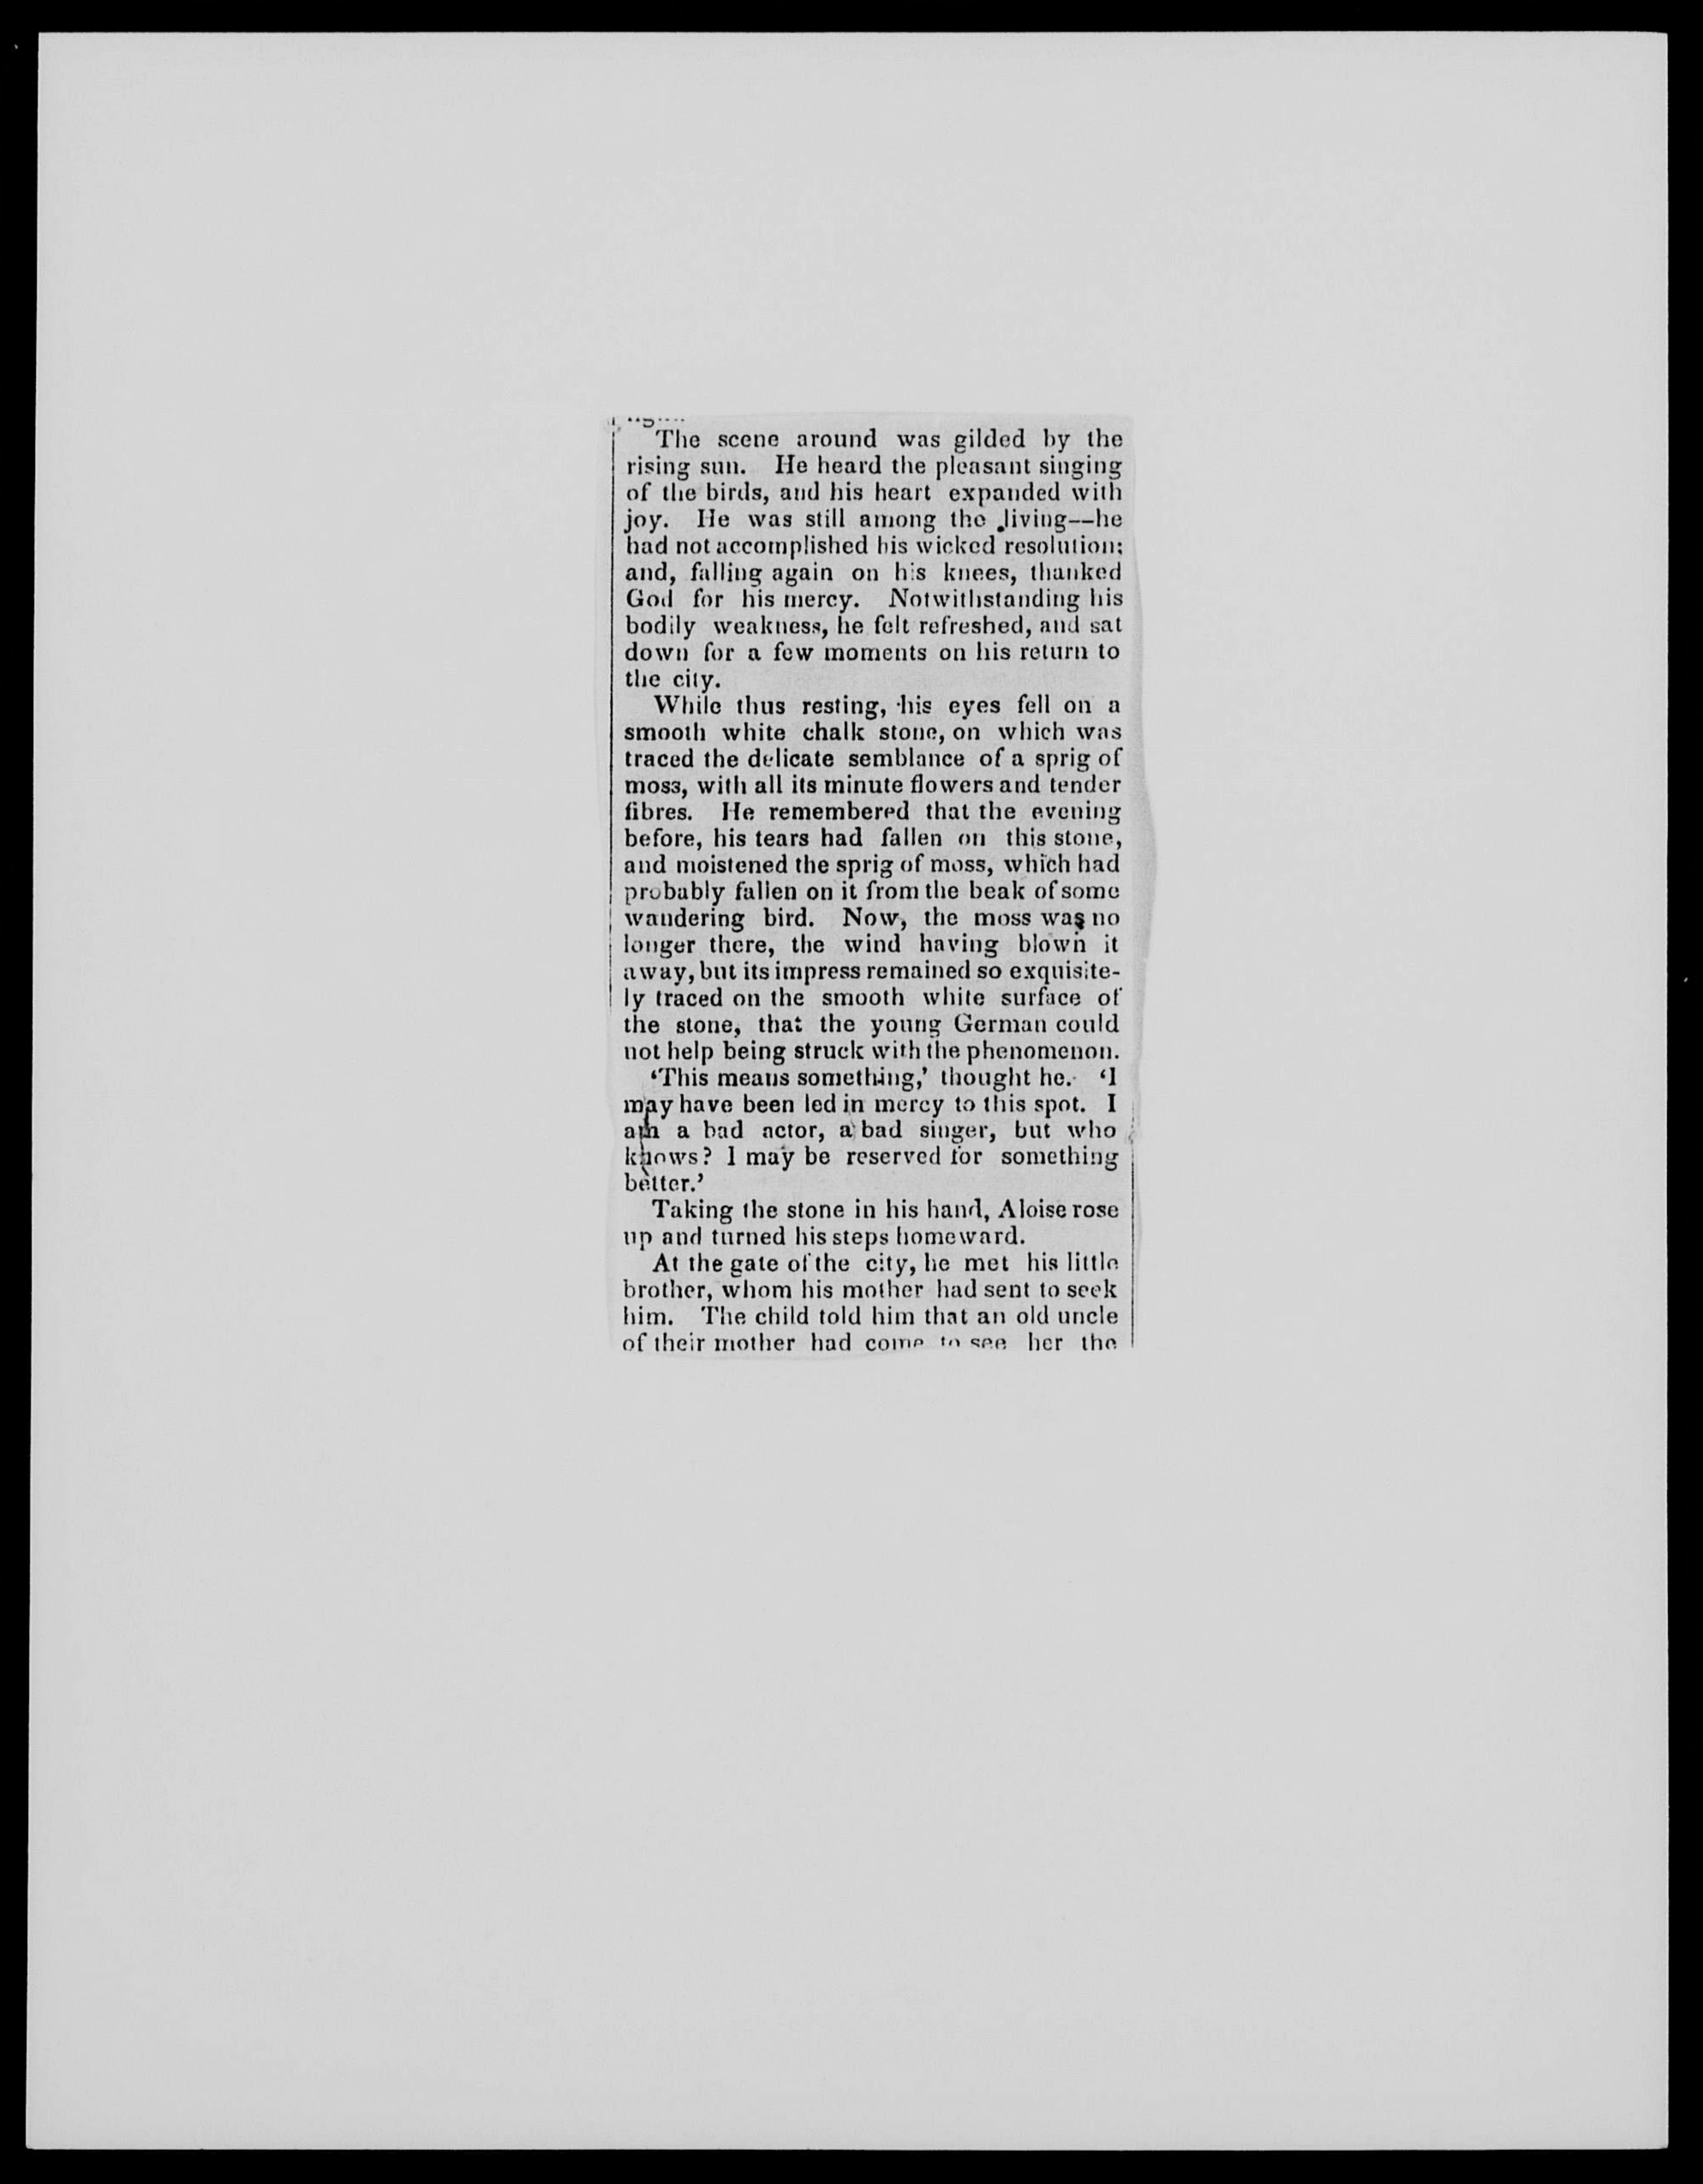The scene around was gilded by the rising sun. He heard the pleasant signing of the birds, and his heart expanded with joy. He was still among tho living -- he had not accomplished his wicked resolution; and, falling again on his knees, thanked God for his mercy. Notwithstanding his bodily weakness, he felt refreshed, and sat down for a few moments on his return to the city.

While thus resting, his eyes fell on a smooth white chalk stone, on which was traced the delicate semblance of a sprig of moss, with all its minute flowers and tender fibres. He remembered that the evening before, his tears had fallen on this stone, and moistened the sprig of moss, which had probably fallen on it from the beak of some wandering bird. Now, the moss was no longer there, the wind having blown it away, but its impress remained so exquisitely traced on the smooth white surface of the stone, that the young German could not help being struck with the phenomenon.
'This means something,' thought he. 'I may have been led in mercy to this spot. I am a bad actor, a bad singer, but who knows? I may be reserved for something better.'

Taking the stone in his hand, Aloise rose up and turned his steps homeward.

At the gate of the city, he met his little brother, whom his mother had sent to seek him. The child told him that an old uncle of their mother had come to see her the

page: 7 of 17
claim: rejected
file: R. 2,300, John Cooper, Va.